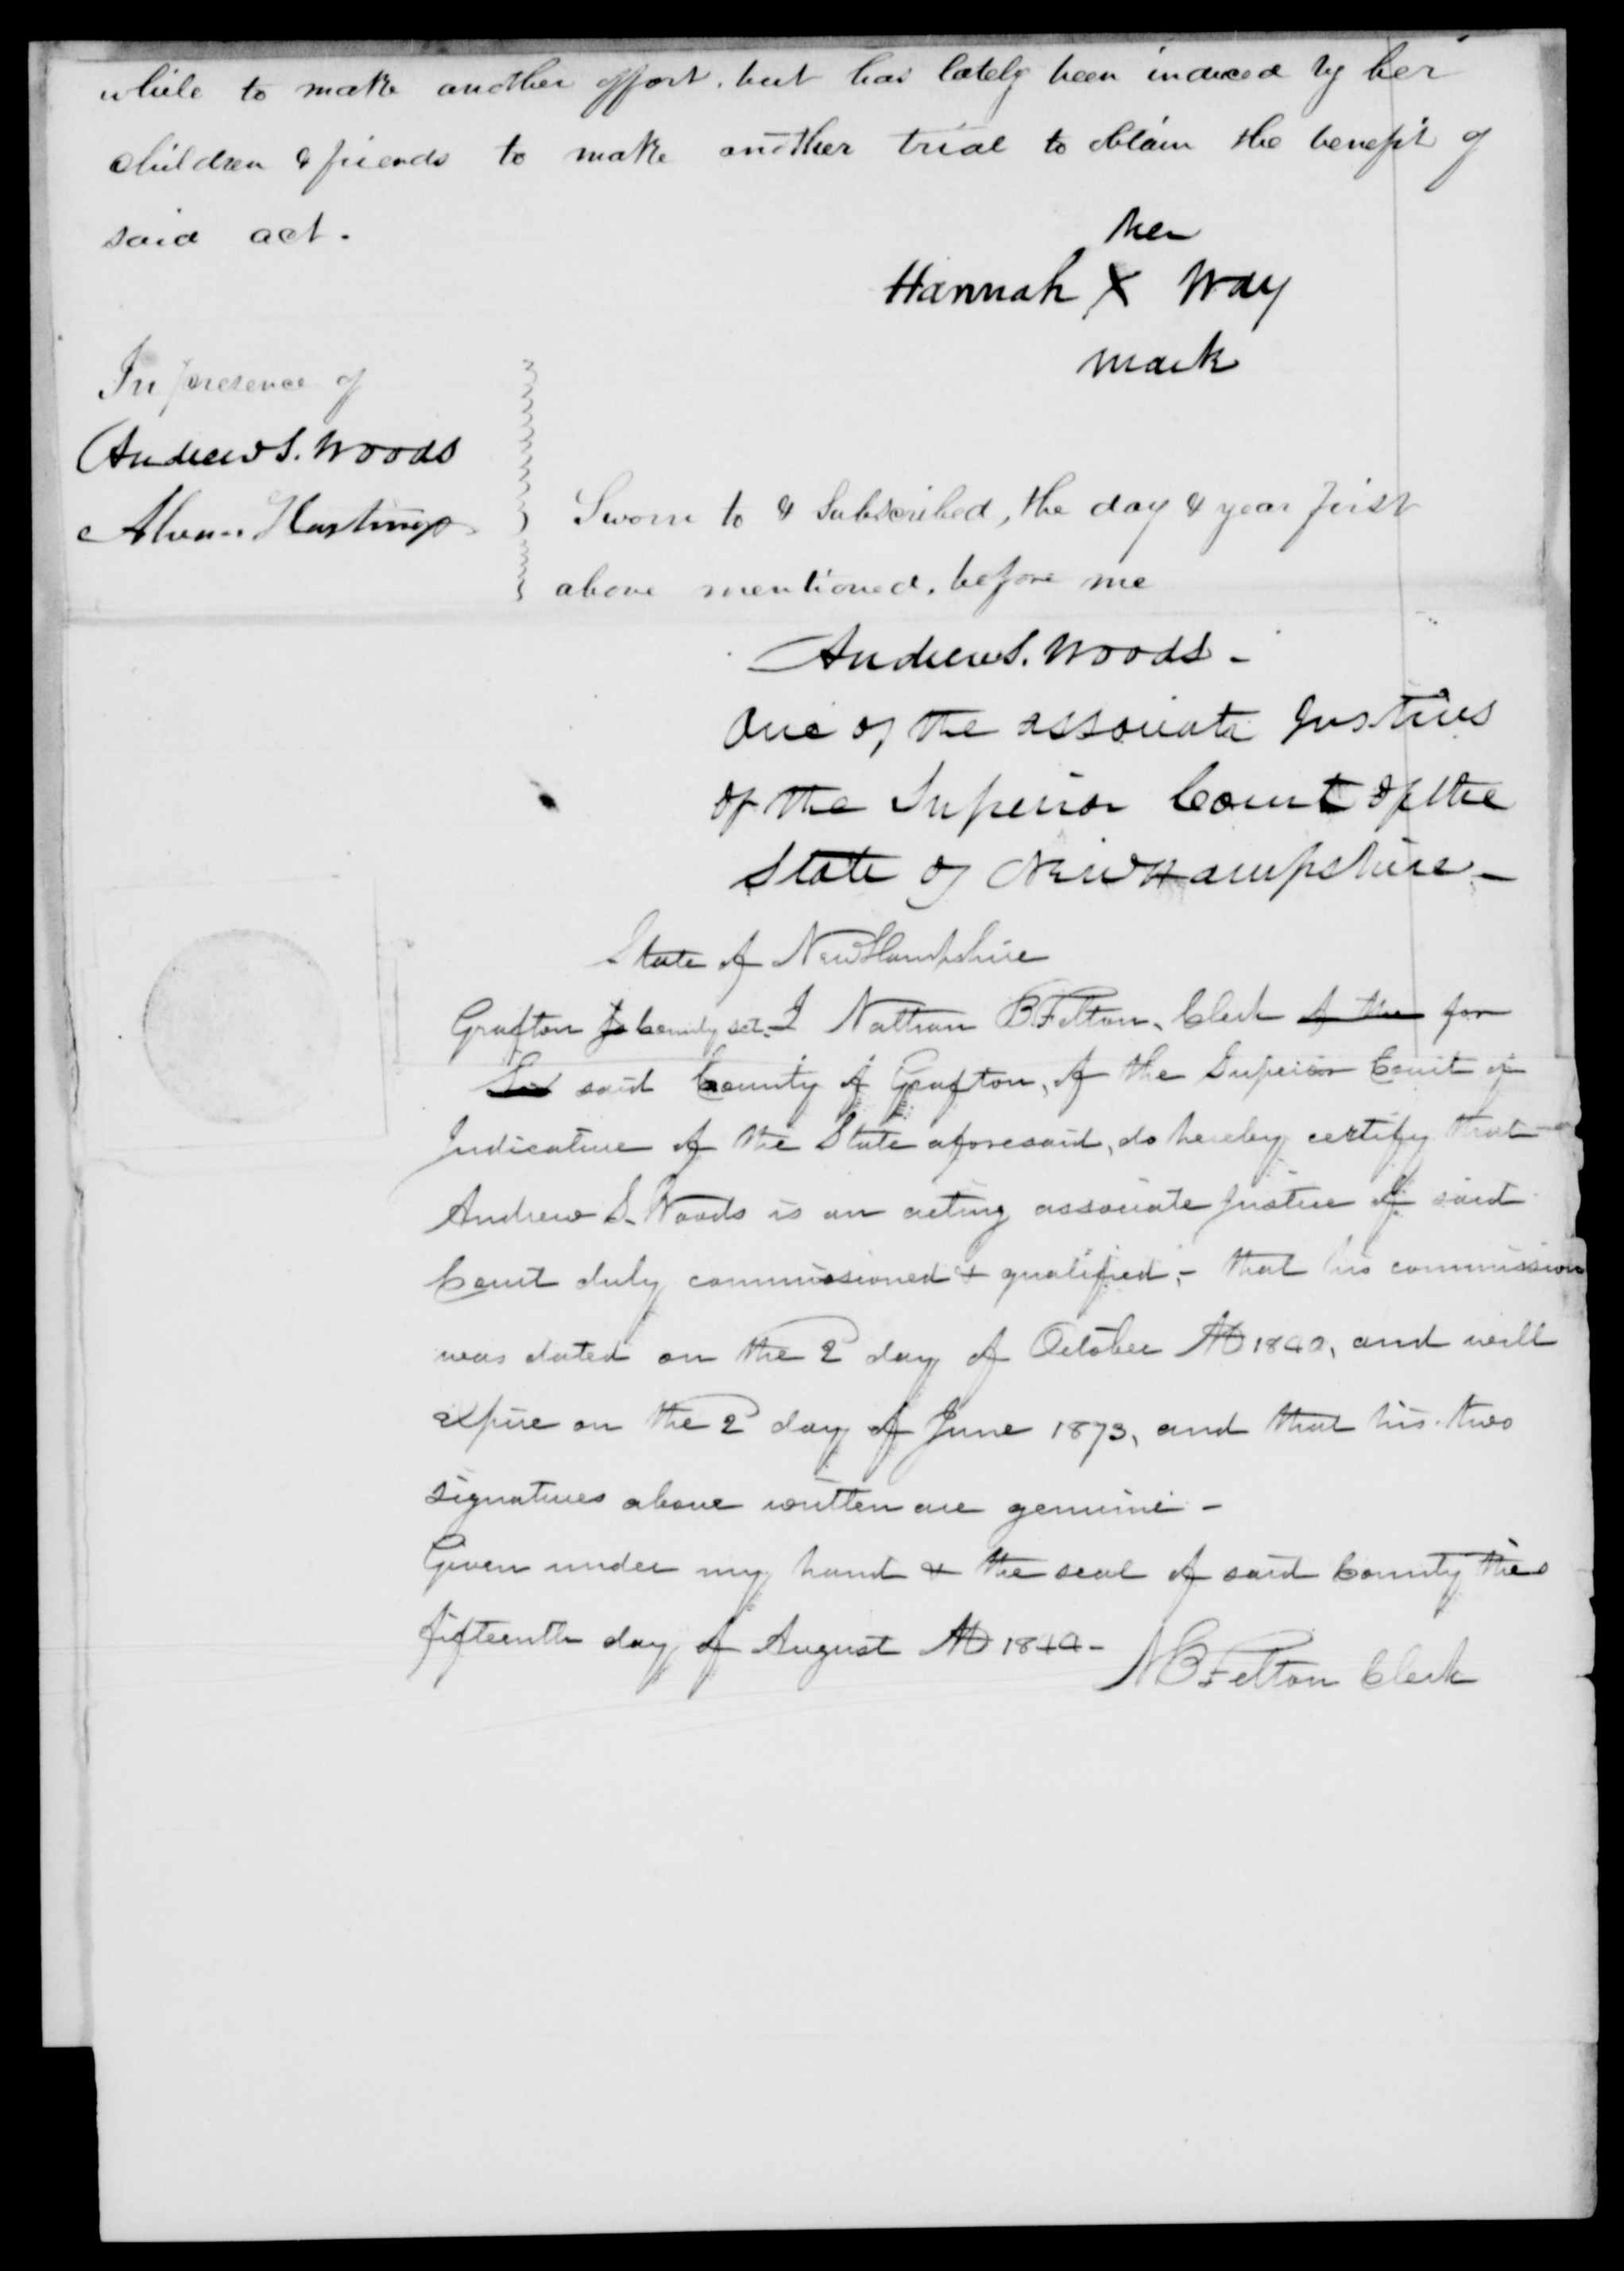while to make
another effort, but has lately been induced by her
children & friends to make another trial to obtain the benefit of said act.
Hannah Way
her mark
In presence of
Andrew S. Woods & Alva Hastings
Sworn to & Subscribed, the day & year first
above mentioned, before me
Andrew S. Woods
one of the associate Justices
of the Superior Court of the
State of New Hampshire
State of New Hampshire
Grafton County Set. I Nathan B Felton Clerk of the for
said County of Grafton of the Superior Court of
Judicature of the State aforesaid, do hereby certify that
Andrew S. Roods is an acting associate Justice of said
Court duly commissioned & qualified, that his commission
was dated on the 2d day of October AD 1842, and will
spire on the 2d day of June 1873, and that his two
signatures above written are genuine-
Given under my hand & the seal of said County this
fifteenth day of August AD 1842 N B Felton Clerk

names: Alvan Hastings, Hannah Way, Andrew S Woods, Nathan B Felton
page: 18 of 78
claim: widow's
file: W. 25856, Samuel Way, N.H.